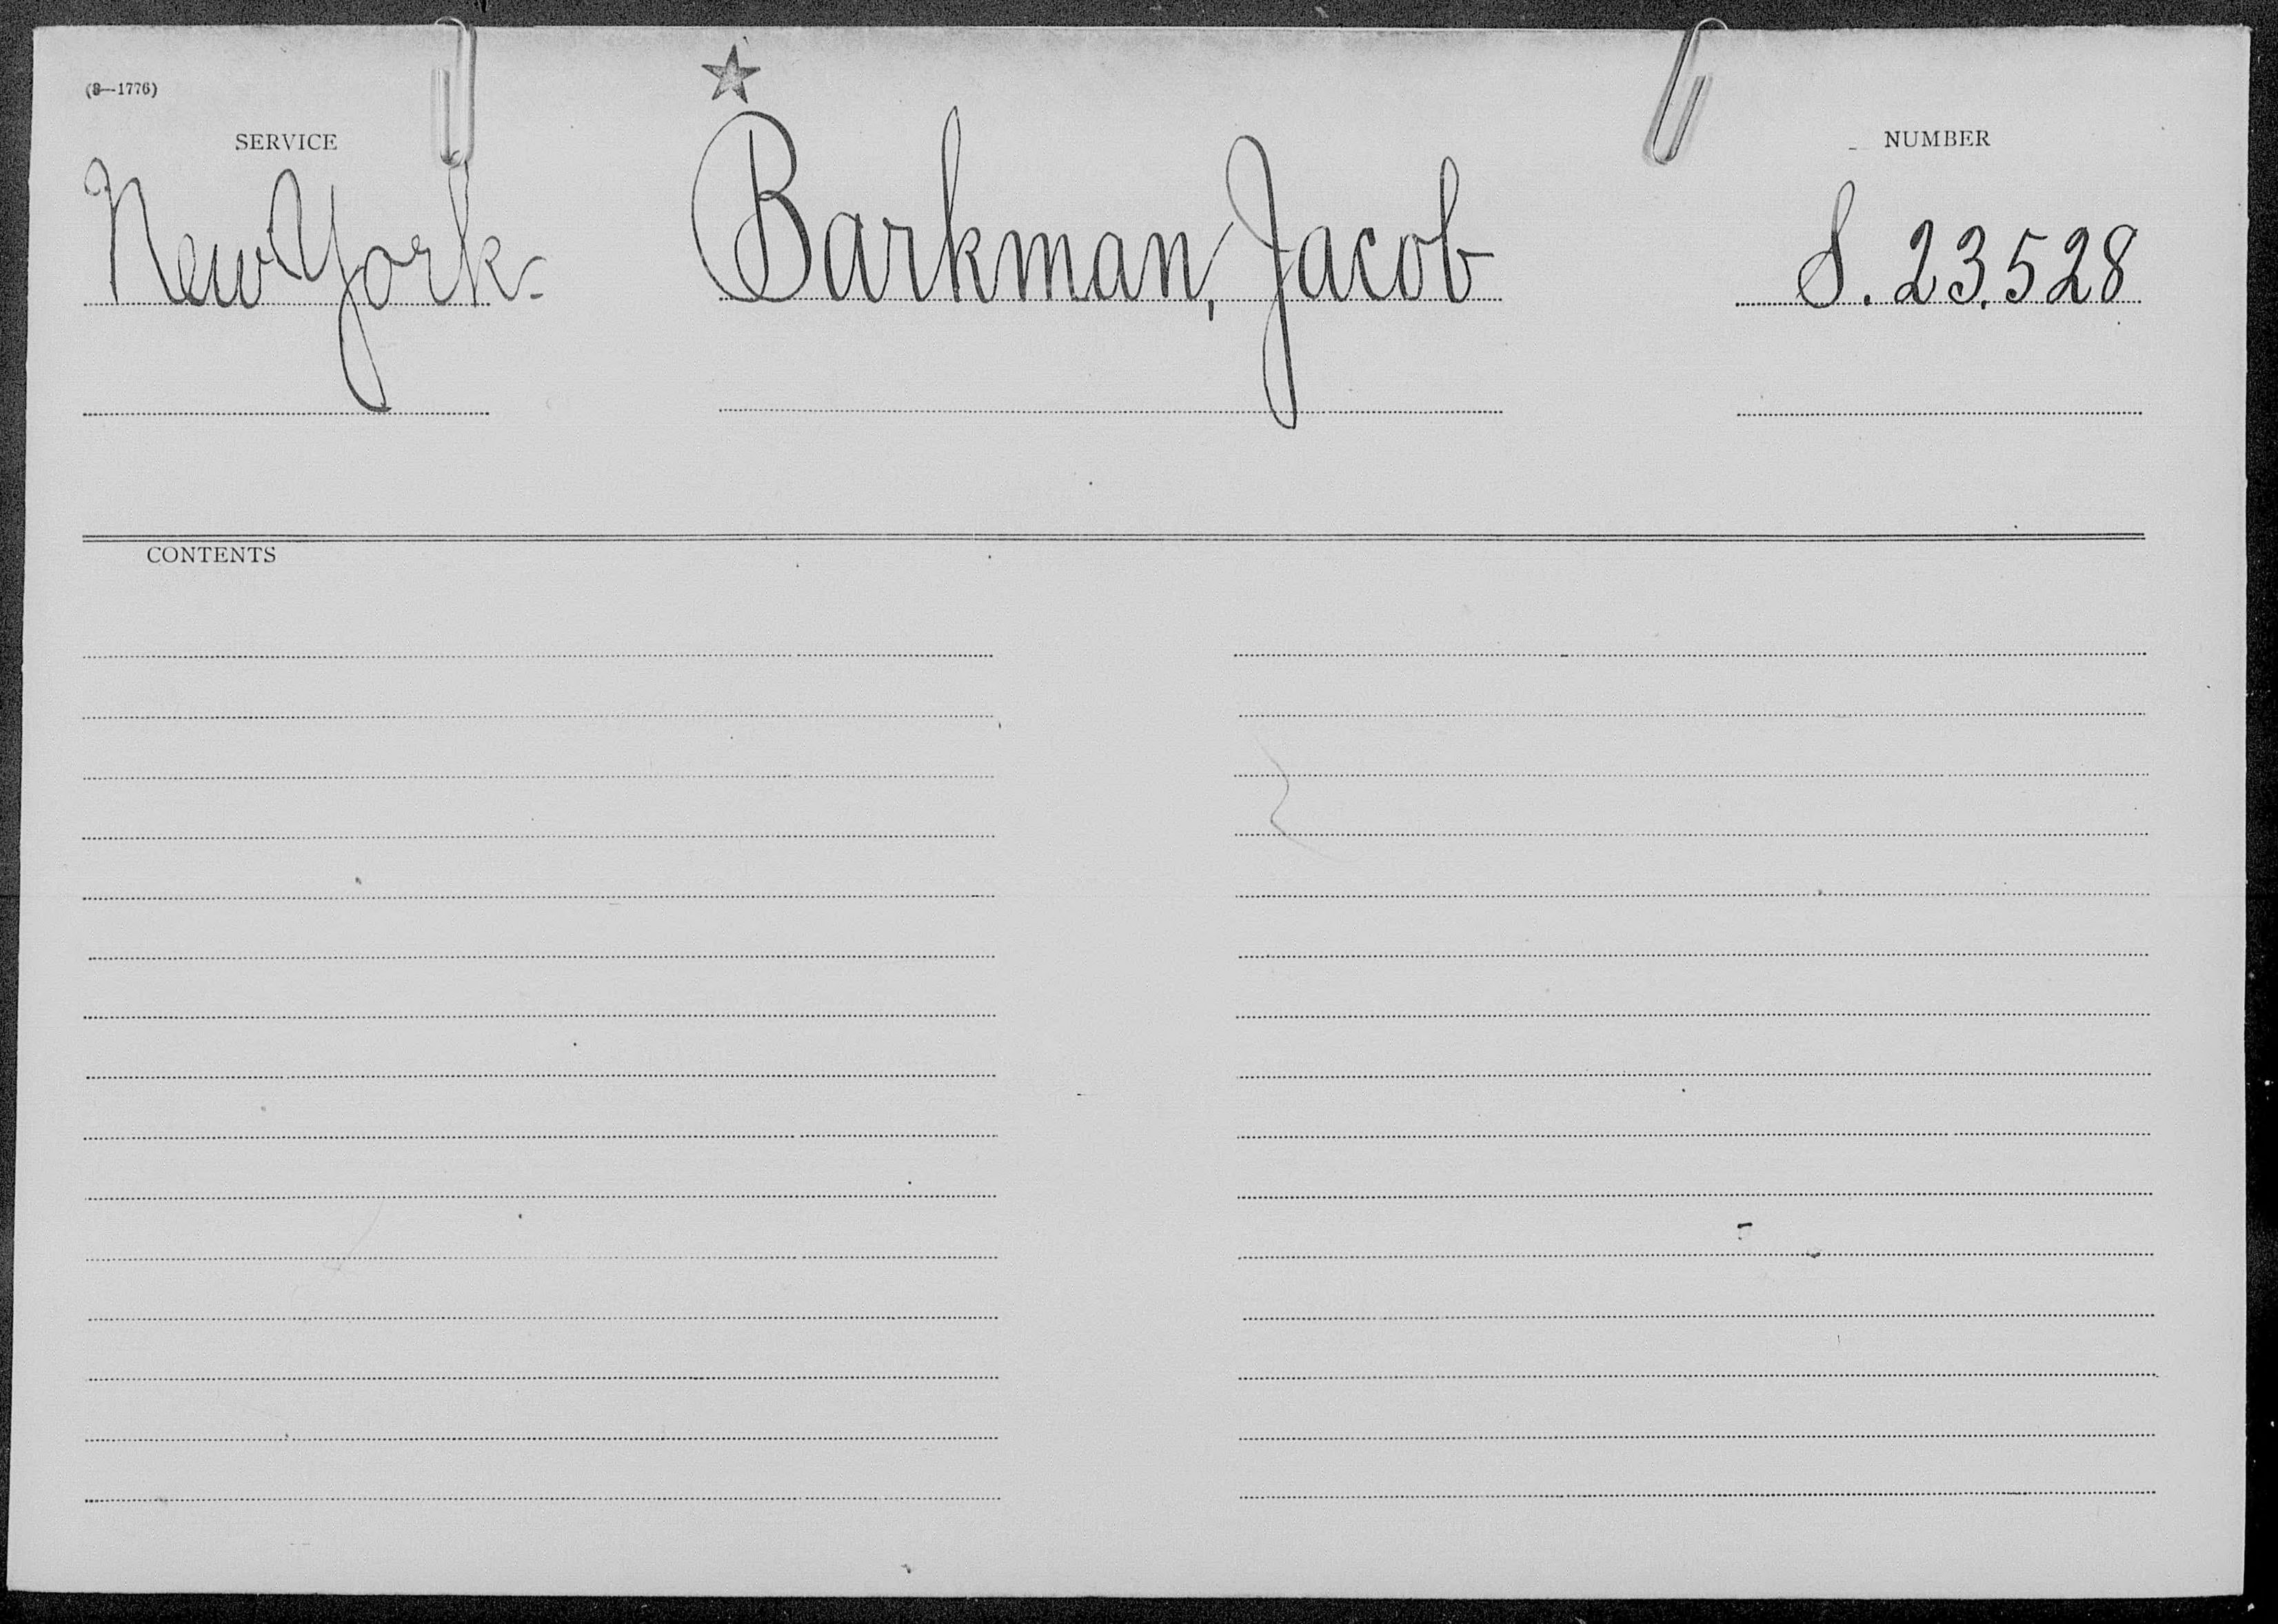( 2 - 1776 ) 
SERVICE
New York [written by hand in the "SERVICE" column]
[Star stamp above the name]
Barkman, Jacob [written by hand in the center column which contains no heading]
NUMBER
S. 23.528 [written by hand in the "NUMBER" column]
[Double line runs across the page]
CONTENTS [typed under the double line in the left margin]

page: 1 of 12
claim: survivor's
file: S. 23,528, Jacob Barkman, New York